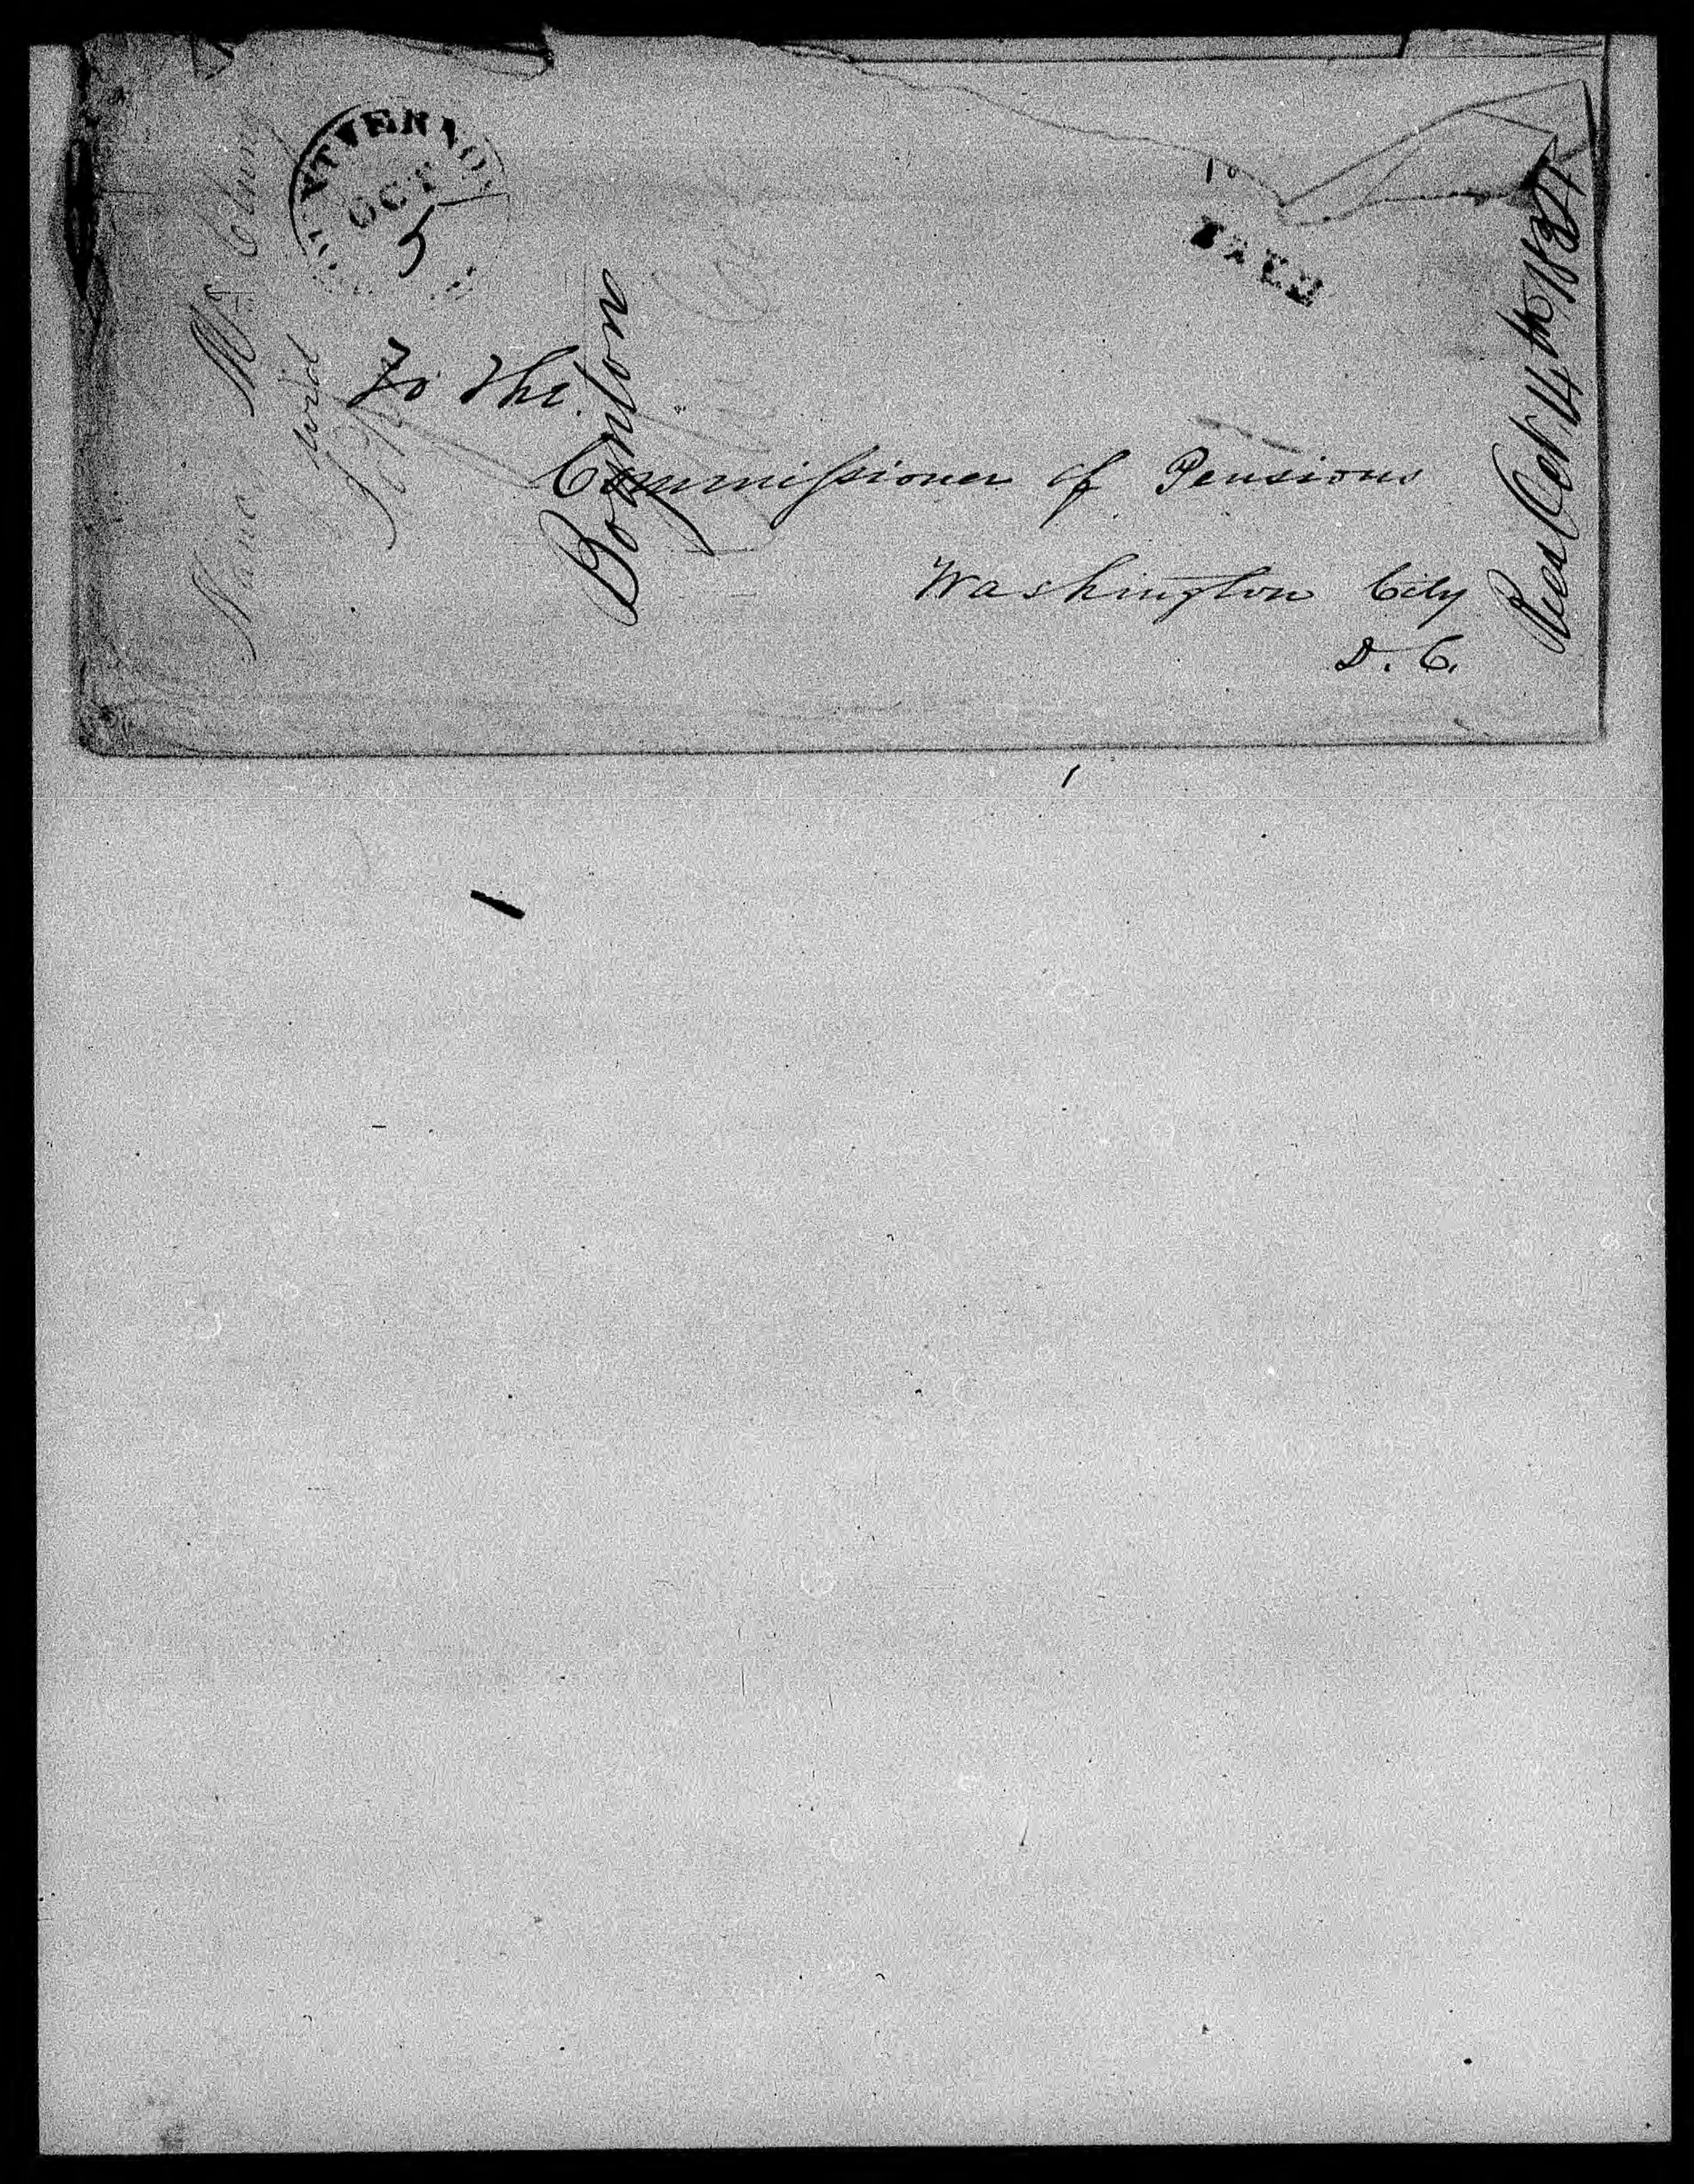Nancy Mc Clung
Wid
John

Boynton

[postal stamp]
Mt Vernon
OCT
5
[illegible]

FREE
To The
Commissioner of Pensions
Washington City
D. C.

Recd Oct 14th 18[illegible]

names: Nancy Mc Clung; [BLANK] Boynton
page: 54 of 115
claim: widow's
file: W. 1446, for John Mc Clung, South Carolina